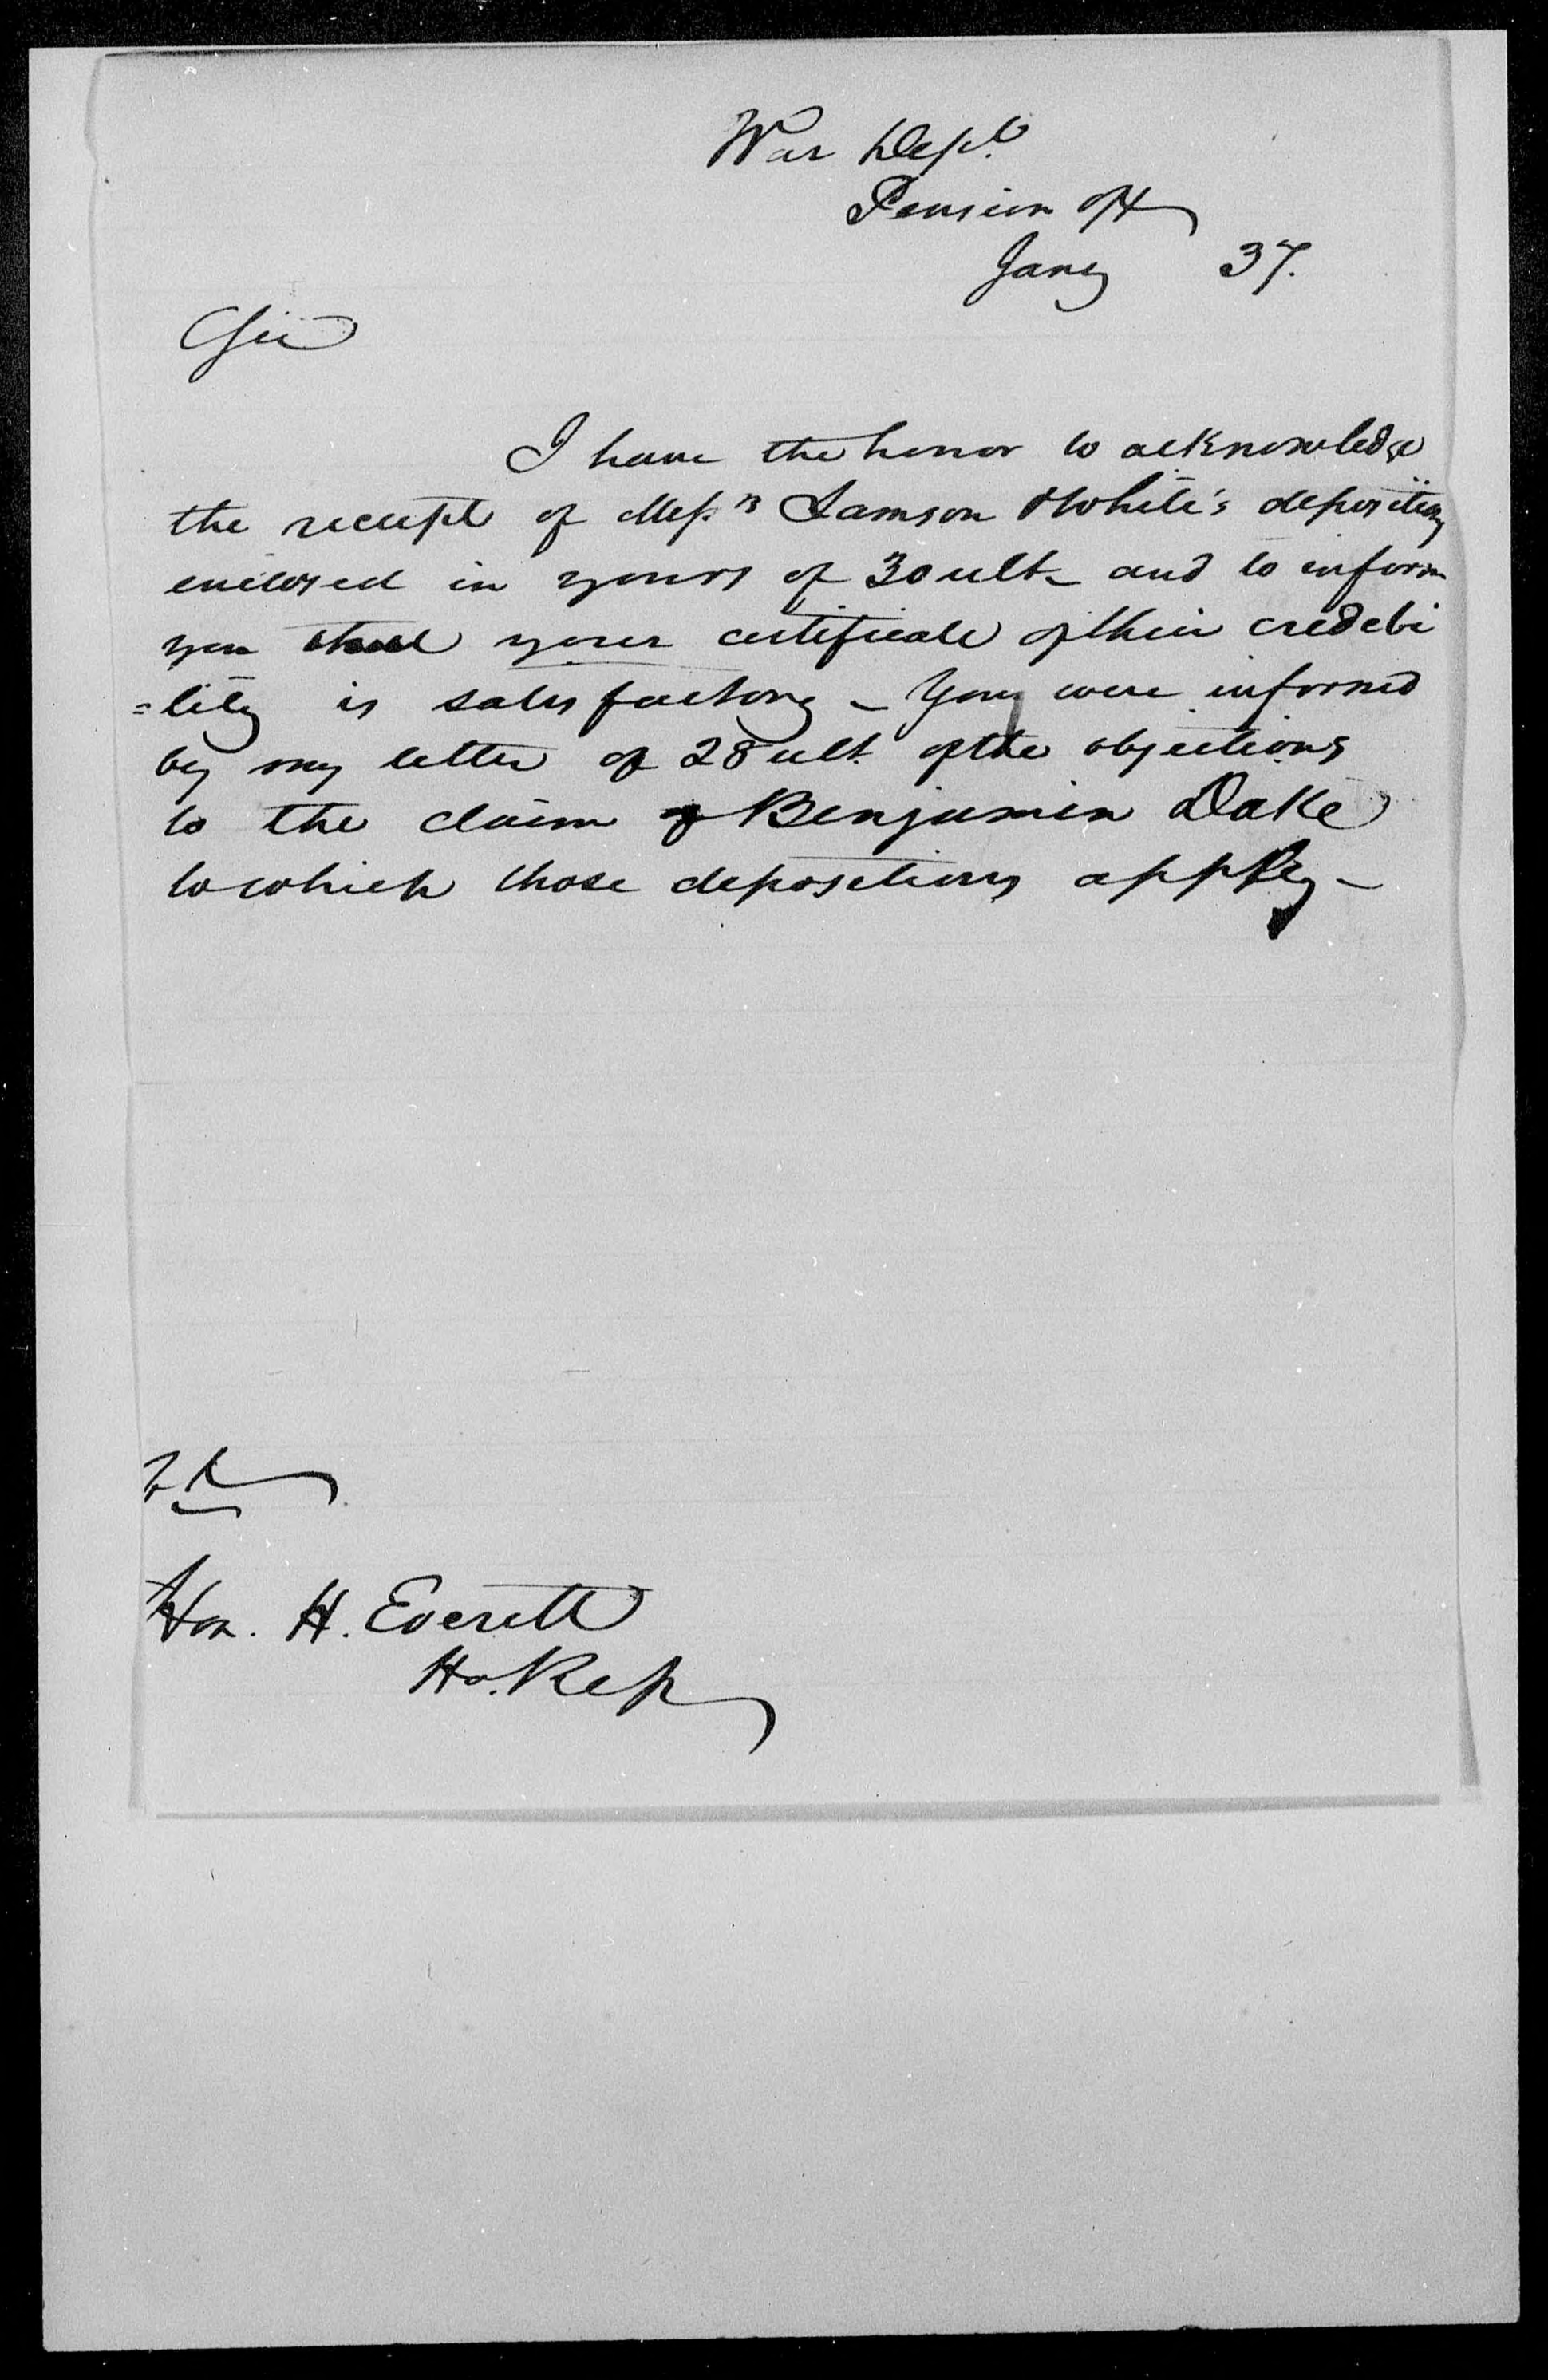War Dept pension Off Jany 37 Sir I have the honor to acknowledge the receipt of Mrs Samson & White's depositions enclosed in your [illegible] and to inform you that your certificate of their cerdibility is satisfactory. you were informed by my letter of 28 [illegible] of the objections to the claim of Benjamin Dake to which those depositions apply Hon H Everett hoRep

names: Samson, White, Benjamin Dake, H Everett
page: 24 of 42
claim: rejected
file: R. 2,625, Benjamin Dake, R.I.